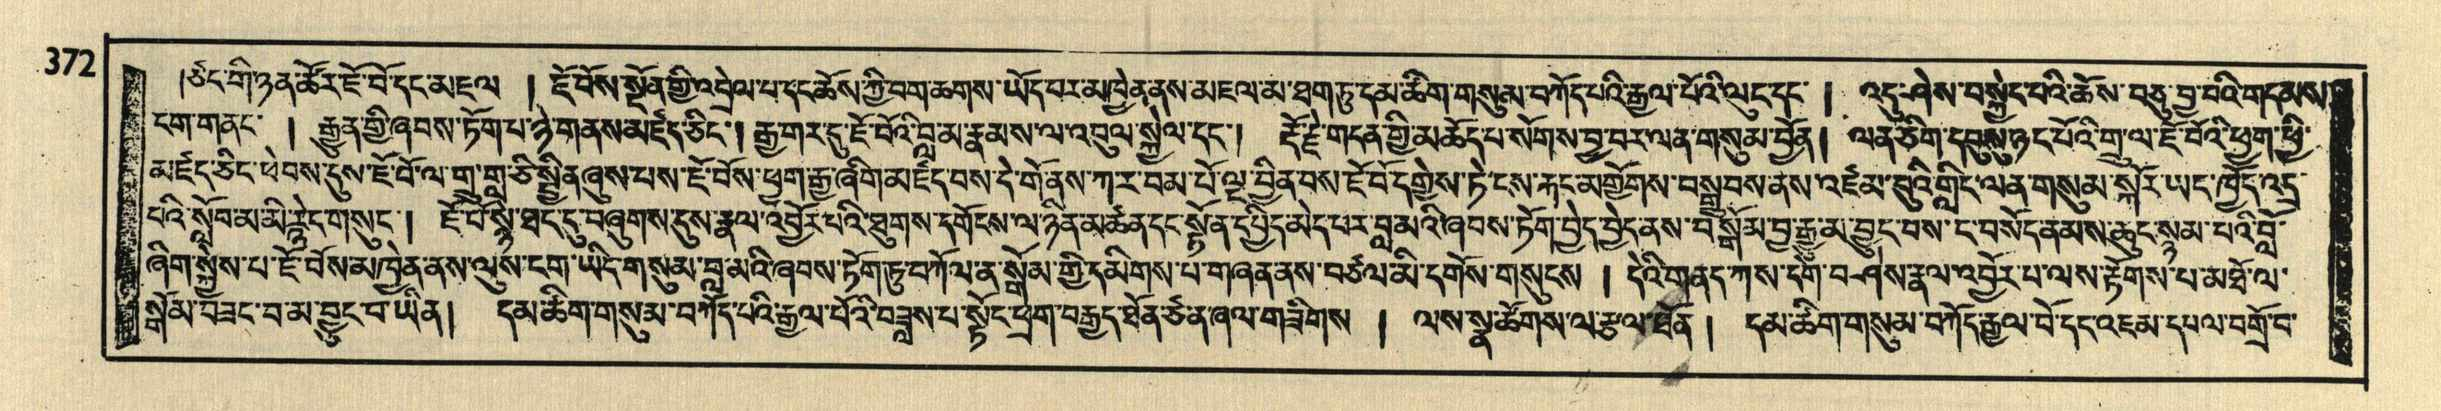།ཙང་གི་ཉན་ཚོར་ཇོ་བོ་དང་མཇལ། ཇོ་བོས་སྔོན་གྱི་འབྲེལ་བ་དང་ཆོས་ཀྱི་བག་ཆགས་ཡོད་པར་མཁྱེན་ནས་མཇལ་མ་ཐག་ཏུ་དམ་ཚིག་གསུམ་བཀོད་པའི་རྒྱལ་པོའི་ལུང་དང་། འདུ་ཤེས་བསྐྱེད་པའི་ཆོས་བཅུ་བྱ་བའི་གདམས་
ངག་གནང་། རྒྱུན་གྱི་ཞབས་ཏོག་པ་ཉེ་གནས་མཛད་ཅིང་། རྒྱ་གར་དུ་ཇོ་བོའི་བླ་མ་རྣམས་ལ་འབུལ་སྐྱེལ་དང་། རྡོ་རྗེ་གདན་གྱི་མཆོད་པ་སོགས་བྱ་བར་ལན་གསུམ་བྱོན། ལན་ཅིག་དབུས་སུ་ཉང་པོའི་གྲུ་ལ་ཇོ་བོའི་ཕྱག་ཕྱི་
མཛད་ཅིང་ཕེབས་དུས་ཇོ་བོ་ལ་གྲུ་གླ་ཅི་སྦྱིན་ཞུས་པས་ཇོ་བོས་ཕྱག་རྒྱ་ཞིག་མཛད་བས་དེ་གོ་ནས་ཀ་ར་བམ་པོ་ལྔ་བྱིན་བས་ཇོ་བོ་དགྱེས་ཏེ་ངས་རྐང་མགྱོགས་བསྒྲུབས་ནས་འཛམ་བུའི་གླིང་ལན་གསུམ་སྐོར་ཡང་ཁྱོད་འདྲ་
པའི་སློབ་མ་མི་རྙེད་གསུང་། ཇོ་བོ་སྙེ་ཐང་དུ་བཞུགས་དུས་རྣལ་འབྱོར་པའི་ཐུགས་དགོངས་ལ་ཉིན་མཚན་དང་སྟོན་དཔྱིད་མེད་པར་བླ་མའི་ཞབས་ཏོག་བྱེད་བྱེད་ནས་བསྒོམ་བྱ་རྒྱུ་མ་བྱུང་བས་ང་བསོད་ནམས་ཆུང་སྙམ་པའི་བློ་
ཞིག་སྐྱེས་པ་ཇོ་བོས་མཁྱེན་ནས་ལུས་ངག་ཡིད་གསུམ་བླ་མའི་ཞབས་ཏོག་ཏུ་བཀོལ་ན་སྒོམ་གྱི་དམིགས་པ་གཞན་ནས་བཙལ་མི་དགོས་གསུངས། དེའི་གནད་ཀས་དགེ་བཤེས་རྣལ་འབྱོར་པ་ལས་རྟོགས་པ་མཐོ་ལ་
སྒོམ་བཟང་བ་མ་བྱུང་བ་ཡིན། དམ་ཚིག་གསུམ་བཀོད་པའི་རྒྱལ་པོའི་བཟླས་པ་སྟོང་ཕྲག་བརྒྱད་ཐོན་ཙ་ན་ཞལ་གཟིགས། ལས་སྣ་ཚོགས་ལ་རྩལ་ཐོན། དམ་ཚིག་གསུམ་བཀོད་རྒྱལ་བོ་དང་འཇམ་དཔལ་བགྲོ་བ་